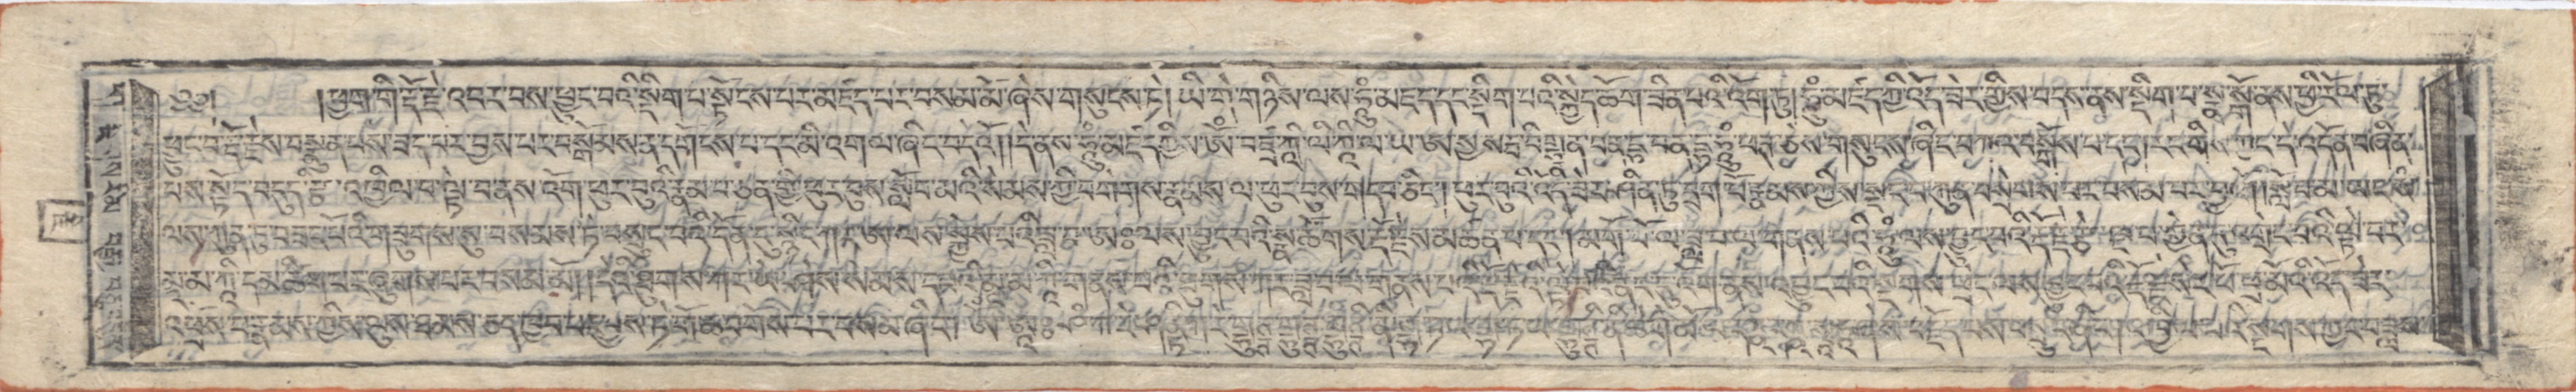༄༅། །ཕྱག་གི་རྡོ་རྗེ་འབར་བས་ཕྱུང་བའི་སྡིག་པ་སྟོངས་པར་མཛད་པར་བསམ་མོ་ཞེས་གསུངས་ཏེ། ཡི་གེ་གཉིས་ལས་ཧཱུཾ་མཛད་དང་སྡིག་པའི་སྐྱེད་ཆོག་ཟིན་པའི་འོག་ཏུ། ཧཱུཾ་མཛད་ཀྱི་འོད་ཟེར་གྱིས་བདས་ནས་སྡིག་པ་སྣ་སྒོ་ནས་ཕྱི་རོལ་ཏུ་
ཕྱུང་བ་རྡོ་རྗེས་བསྣུན་པས་ཟད་པར་བྱས་པར་བསྒོམས་ནས་དགོངས་པ་དང་མི་འགལ་ཞིང་བདེའོ། །དེ་ནས་ཧཱུཾ་མཛད་ཀྱིས་ཨོཾ་བཛྲ་ཀཱི་ལི་ཀཱི་ལ་ཡ་ཨ་སྱ་སརྦ་བིགྷྣན་བན་དྷ་བན་དྷ་ཧཱུཾ་ཕཊ་ཅེས་གསུངས་ཞིང་བཀའ་བསྒོས་པ་དང་། རང་གིས་ཀྱང་དེ་འདོན་བཞིན་
པས་སྟོད་བདུད་རྩི་འཁྱིལ་བ་ལྟེ་བ་ནས་འོག་ཕུར་བུའི་རྣམ་པ་ཅན་གྱི་ཕུར་བུས་སློབ་མའི་སེམས་ཀྱི་བགེགས་རྣམས་ལ་ཕུར་བུས་གདབ་ཅིང་། ཕུར་བུའི་འོད་ཟེར་ཤིན་ཏུ་དྲག་པོ་རྣམས་ཀྱིས་སྡང་བ་ཀུན་བསྲེགས་པར་བསམ་པར་བྱའོ། །སློབ་མ་ཡང་སཾ་
ལས་ཀུན་ཏུ་བཟང་པོའི་གཟུགས་སུ་བསམས་ཏེ་བསྲུང་བའི་དོན་དུ་སྙིང་ཀར་ཨ་ལས་སྐྱེས་པའི་ཟླ་བ་ཨཿ ལས་བྱུང་བའི་སྣ་ཚོགས་རྡོ་རྗེས་མཚན་པ་དང་། མགོ་བོ་ལ་ཟླ་བ་ལ་གནས་པའི་ཧཱུཾ་ལས་བྱུང་བའི་རྡོ་རྗེ་རྩེ་ལྔ་པ་གྱེན་དུ་འགྲེང་བའི་ལྟེ་བར་
མཱ་མ་ཀཱི་དམ་ཚིག་པར་ཞུགས་པར་བསམ་མོ། །དེའི་ཐུགས་ཀར་ཡེ་ཤེས་སེམས་དཔའི་མཱ་མ་ཀཱི་གནས་པའི་ཐུགས་ཀར་ཟླ་བ་ལ་གནས་པའི་རྡོ་རྗེའི་ལྟེ་བའི་ནང་དུ་འོག་ནས་འབྱུང་བའི་སྔགས་ཕྲེང་ལས་བྱུང་བའི་རྡོ་རྗེ་སེར་པོ་ཕྲ་མོའི་འོད་ཟེར་
འཕྲོས་པ་རྣམས་ཀྱིས་ལུས་ཐམས་ཅད་ཁྱབ་པར་བྱས་ཏེ་གོ་ཆ་བགོས་པར་བསམ་ཞིང་། ཨོཾ་ཨཱཿ ཤཾ་ཀ་རེ་ཤནྟི་ཀ་རེ་གྷུཊྚ་གྷུཊྚ་གྷུཊྚི་ནི་གྷ་ཏ་ཡ་གྷ་ཏ་ཡ་གྷུཊྚི་ནི་ཆེ་གེ་མོ་ལ་རཀྵ་རཀྵ་སྭཱཧཱ་ཞེས་བརྗོད་པས་བསྲུང་ཞིང་། འཁྱིལ་པའི་སྔགས་ཀྱང་བཟླས་